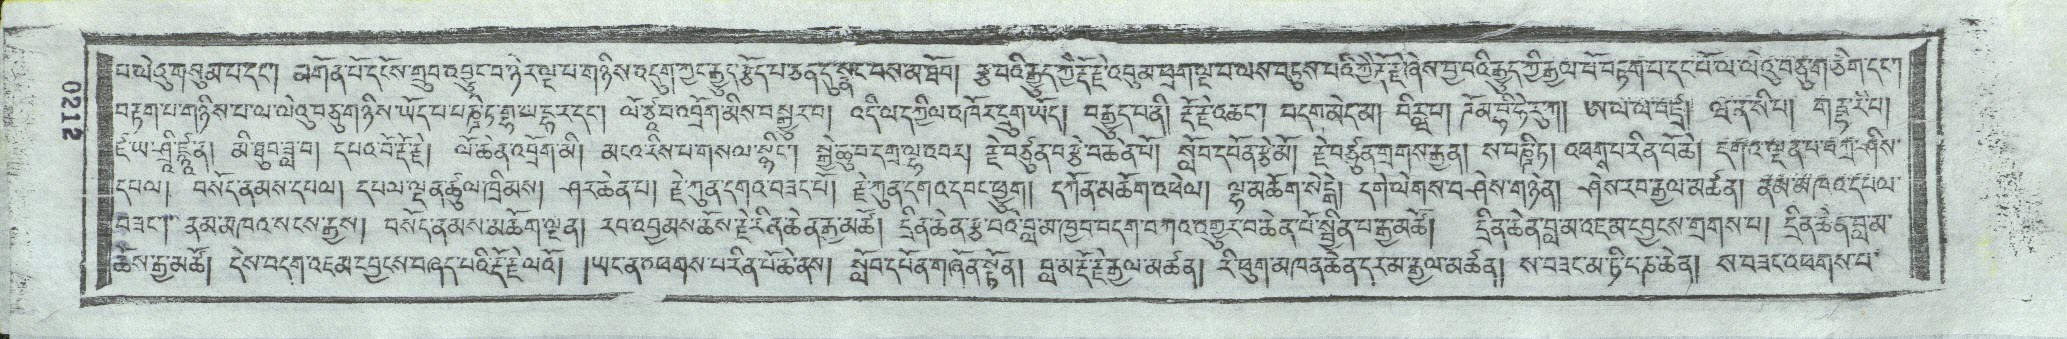པ་ལེའུ་གསུམ་པ་དང་། མགོན་པོ་དངོས་གྲུབ་འབྱུང་ཝ་ཉེར་ལྔ་པ་གཉིས་འདུག་ཀྱང་རྒྱུད་རྩོད་པ་ཅན་དུ་སང་བས་མ་ཐོབ། རྩ་བའི་རྒྱུད་ཀྱཻ་རྡོ་རྗེ་འབུམ་ཕྲག་ལྔ་པ་ལས་བཏུས་པའི་ཀྱཻ་རྡོ་རྗེ་ཞེས་བྱ་བའི་རྒྱུད་ཀྱི་རྒྱལ་པོ་བརྟག་པ་དང་པོ་ལ་ལེའུ་བཅུ་གཅིག་དང་།
བརྟག་པ་གཉིས་པ་ལ་ལེའུ་བཅུ་གཉིས་ཡོད་པ་པཎྜི་ཏ་གྷ་ཡ་དྷ་ར་དང་། ལོ་ཙཱ་བ་འབྲོག་མིས་བསྒྱུར་བ། འདི་ལ་དཀྱིལ་འཁོར་དྲུག་ཡོད། བརྒྱུད་པ་ནི། རྡོ་རྗེ་འཆང་། བདག་མེད་མ། བིརྭ་པ། ཌོམ་བྷི་ཧེ་རུ་ཀ། ཨ་ལ་ལ་བཛྲ། ཝ་ན་སི་པ། གརྦྷ་རི་པ།
ཛ་ཡ་ཤྲཱི་ཛྙཱ་ན། མི་ཐུབ་ཟླ་བ། དཔའ་བོ་རྡོ་རྗེ། ལོ་ཆེན་འབྲོག་མི། མངའ་རིས་པ་གསལ་སྙིང་། སྒྱེ་ཆུ་བ་དགྲ་ལྷ་འབར། རྗེ་བཙུན་བརྩེ་བ་ཆེན་པོ། སློབ་དཔོན་རྩེ་མོ། རྗེ་བཙུན་གྲགས་རྒྱན། ས་པཎྜི་ཏ། འཕགས་པ་རིན་པོ་ཆེ། དགའ་ལྡན་པ་བཀྲ་ཤིས་
དཔལ། བསོད་ནམས་དཔལ། དཔལ་ལྡན་ཚུལ་ཁྲིམས། ཤར་ཆེན་པ། རྗེ་ཀུན་དགའ་བཟང་པོ། རྗེ་ཀུན་དགའ་དབང་ཕྱུག། དཀོན་མཆོག་འཕེལ། ལྷ་མཆོག་སེངྒེ། དགེ་ལེགས་བཤེས་གཉེན། ཤེས་རབ་རྒྱལ་མཚན། ནམ་མཁའ་དཔལ་
བཟང་། ནམ་མཁའ་སངས་རྒྱས། བསོད་ནམས་མཆོག་ལྡན། རབ་འབྱམས་ཆོས་རྗེ་རིན་ཆེན་རྒྱ་མཚོ། དྲིན་ཆེན་རྩ་བའི་བླ་མ་ཁྱབ་བདག་བཀའ་འགྱུར་བ་ཆེན་པོ་སྦྱིན་པ་རྒྱ་མཚོ། དྲིན་ཆེན་བླ་མ་འཇམ་དབྱངས་གྲགས་པ། དྲིན་ཆེན་བླ་མ་
ཆོས་རྒྱ་མཚོ། དེས་བདག་འཇམ་དབྱངས་བཞད་པའི་རྡོ་རྗེ་ལའོ། །ཡང་ན་འཕགས་པ་རིན་པོ་ཆེ་ནས། སློབ་དཔོན་གཞོན་སྟོན། བླ་མ་རྡོ་རྗེ་རྒྱལ་མཚན། རི་ཕུག་མཁན་ཆེན་དར་མ་གྱལ་མཚན། ས་བཟང་མ་ཏི་ར་ཎ་ཆེ། ས་བཟང་འཕགས་པ་